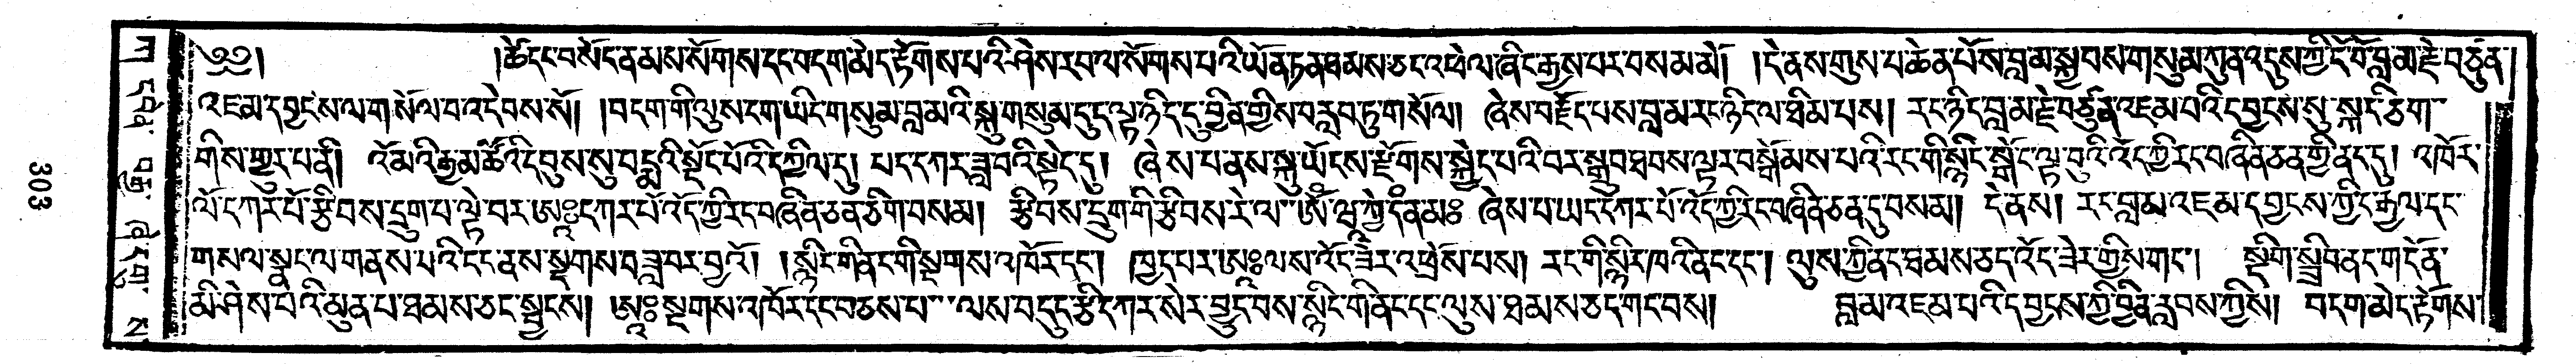༄༅། །ཚེ་དང་བསོད་ནམས་སོགས་དང་བདག་མེད་རྟོགས་པའི་ཤེས་རབ་ལ་སོགས་པའི་ཡོན་ཏན་ཐམས་ཅད་འཕེལ་ཞིང་རྒྱས་པར་བསམ་མོ། །དེ་ནས་གུས་པ་ཆེན་པོས་བླ་མ་སྐྱབས་གསུམ་ཀུན་འདུས་ཀྱི་ངོ་བོ་བླ་མ་རྗེ་བཙུན་
འཇམ་དབྱངས་ལ་གསོལ་བ་འདེབས་སོ། །བདག་གི་ལུས་ངག་ཡིད་གསུམ་བླ་མའི་སྐུ་གསུམ་དུ་ད་ལྟ་ཉིད་དུ་བྱིན་གྱིས་བརླབ་ཏུ་གསོལ། ཞེས་བརྗོད་པས་བླ་མ་རང་ཉིད་ལ་ཐིམ་པས། རང་ཉིད་བླ་མ་རྗེ་བཙུན་འཇམ་པའི་དབྱངས་སུ་སྐད་ཅིག་
གིས་གྱུར་པ་ནི། འོ་མའི་རྒྱ་མཚོའི་དབུས་སུ་པདམའི་སྡོང་པོའི་དཀྱིལ་དུ། པད་དཀར་ཟླ་བའི་སྟེང་དུ། ཞེས་པ་ནས་སྐུ་ཡོངས་རྫོགས་སྐྱེད་པའི་བར་སྒྲུབ་ཐབས་ལྟར་བསྒོམས་པའི་རང་གི་སྙིང་སྒོང་ལྟ་བུའི་འོད་ཀྱི་རང་བཞིན་ཅན་གྱི་ནང་དུ། འཁོར་
ལོ་དཀར་པོ་རྩིབས་དྲུག་པ་ལྟེ་བར་ཨཱཿ དཀར་པོ་འོད་ཀྱི་རང་བཞིན་ཅན་ཅིག་བསམ། རྩིབས་དྲུག་གི་རྩིབས་རེ་ལ་ཨོཾ་ཝཱ་ཀྱེ་དཾ་ན་མཿ ཞེས་པ་ཡང་དཀར་པོ་འོད་ཀྱི་རང་བཞིན་ཅན་དུ་བསམ། དེ་ནས། རང་བླ་མ་འཇམ་དབྱངས་ཀྱི་ང་རྒྱལ་དང་
གསལ་སྣང་ལ་གནས་པའི་ངང་ནས་སྔགས་བཟླ་བར་བྱའོ། །སྙིང་གི་ནང་གི་སྔགས་འཁོར་དང་། ཁྱད་པར་ཨཱཿ ལས་འོད་ཟེར་འཕྲོས་པས། རང་གི་སྙིང་ཁའི་ནང་དང་། ལུས་ཀྱི་ནད་ཐམས་ཅད་འོད་ཟེར་གྱིས་གང་། སྡིག་སྒྲིབ་ནང་གདོན་
མི་ཤེས་བའི་མུན་པ་ཐམས་ཅད་སྦྱངས། ཨཱཿ སྔགས་འཁོར་དང་བཅས་པ་ལས་བདུད་རྩི་དཀར་སེར་བྱུང་བས་སྙིང་གི་ནང་དང་ལུས་ཐམས་ཅད་གད་བས། བླ་མ་འཇམ་པའི་དབྱངས་ཀྱི་བྱིན་རླབས་ཀྱིས། བདག་མེད་རྟོགས་